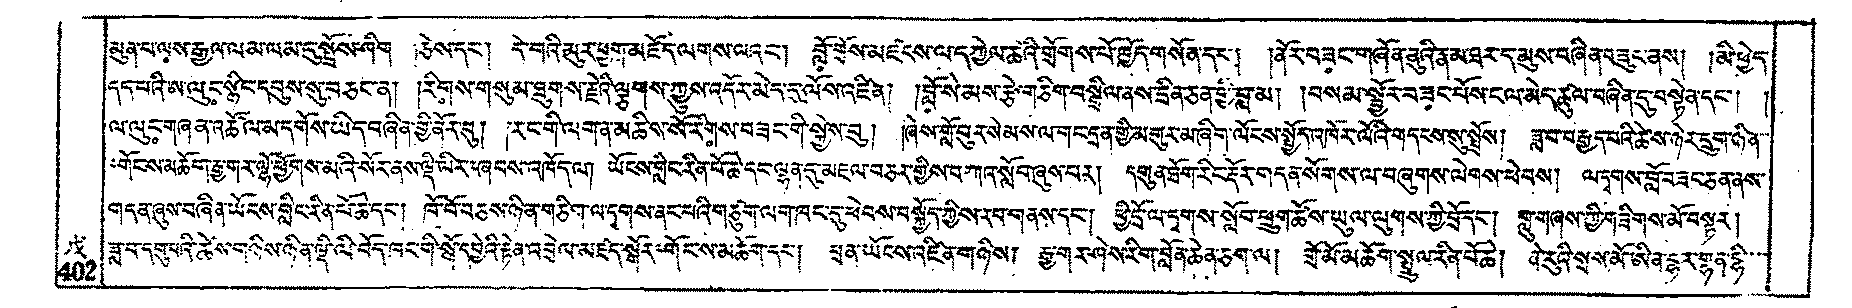མུན་པ་ལས་རྒྱལ་ལམ་ལམ་དུ་སྤྲོས་ཤིག །ཅེས་དང་། དེ་གའི་མུར་ཕྱག་མཛོད་ལགས་ལའང་། བློ་གྲོས་མཛངས་ལ་དཀྱེལ་ཆེའི་གྲོགས་པོ་ཁྱོད་གསོན་དང་། །ནོར་བཟང་གཞོན་ནུའི་རྣམ་ཐར་ད་མུས་བཞིན་བཟུང་ནས། །མི་ཕྱེད་
དད་པའི་ཨ་ལུང་སྙིང་དབུས་སུ་བཅང་ན། །རིགས་གསུམ་ཐུགས་རྗེའི་ལྕགས་ཀྱུས་འདོར་མེད་དུ་ལོས་འཛིན། །བློ་སེམས་རྩེ་གཅིག་བསྒྲིལ་ནས་དྲིན་ཅན་གྱི་བླ་མ། །བསམ་སྦྱོར་བཟང་པོས་ངལ་མེད་ཚུལ་བཞིན་དུ་བསྟེན་དང་། །
ལ་ལུང་གཞན་འཚོལ་མ་དགོས་ཡིད་བཞིན་གྱི་ནོར་བུ། །རང་གི་ལག་ན་མཆིས་སོ་རིགས་བཟང་གི་སྐྱེས་བུ། །ཞེས་གློ་བུར་སེམས་ལ་གང་དྲན་གྱི་མགུར་མ་ཞིག་ལོངས་སྤྱོད་འཁོར་ལོའི་གདངས་སུ་སྤྲོས། ཟླ་བ་བརྒྱད་པའི་ཚེས་ཉེར་དྲུག་ཉིན་
༧གོང་ས་མཆོག་རྒྱ་གར་ལྷོ་ཕྱོགས་མའི་སོར་ནས་ལྡི་ལིར་༧ཞབས་འཁོད་ལ། ཡོངས་གླིང་རིན་པོ་ཆེ་དང་ལྷན་དུ་མཇལ་བཅར་གྱིས་བཀའ་སློབ་ཞུས་པར། དགུན་ཐོག་རིང་རྡོར་གདན་སོགས་ལ་བཞུགས་ལེགས་ཕེབས། ལ་དྭགས་བློ་བཟང་ཅན་ནས་
གདན་ཞུས་བཞིན་ཡོངས་གླིང་རིན་པོ་ཆེ་དང་། ཁོ་བོ་བཅས་ཉིན་གཅིག་ལ་དྭགས་ནང་པའི་གཙུག་ལག་ཁང་དུ་ཕེབས་བསྐྱོད་ཀྱིས་རབ་གནས་དང་། ཕྱི་དྲོ་ལ་དྭགས་སློབ་ཕྲུག་ཚོས་ཡུལ་ལུགས་ཀྱི་བྲོ་དང་། གླུ་གཞས་ཀྱི་གཟིགས་མོ་བསྟར།
ཟླ་བ་དགུ་པའི་ཚེས་གཉིས་ཉིན་ལྡི་ལི་བོད་ཁང་གི་སྒོ་དབྱེའི་རྟེན་འབྲེལ་མཛད་སྒོར་༧གོང་ས་མཆོག་དང་། ཕྲན་ཡོངས་འཛིན་གཉིས། རྒྱ་གར་ཤེས་རིག་བློན་ཆེན་ཅག་ལ། གྲོ་མོ་མཆོག་སྤྲུལ་རིན་པོ་ཆེ། ནེ་རུའི་སྲས་མོ་ཨིན་དྷར་གྷན་དྷི་